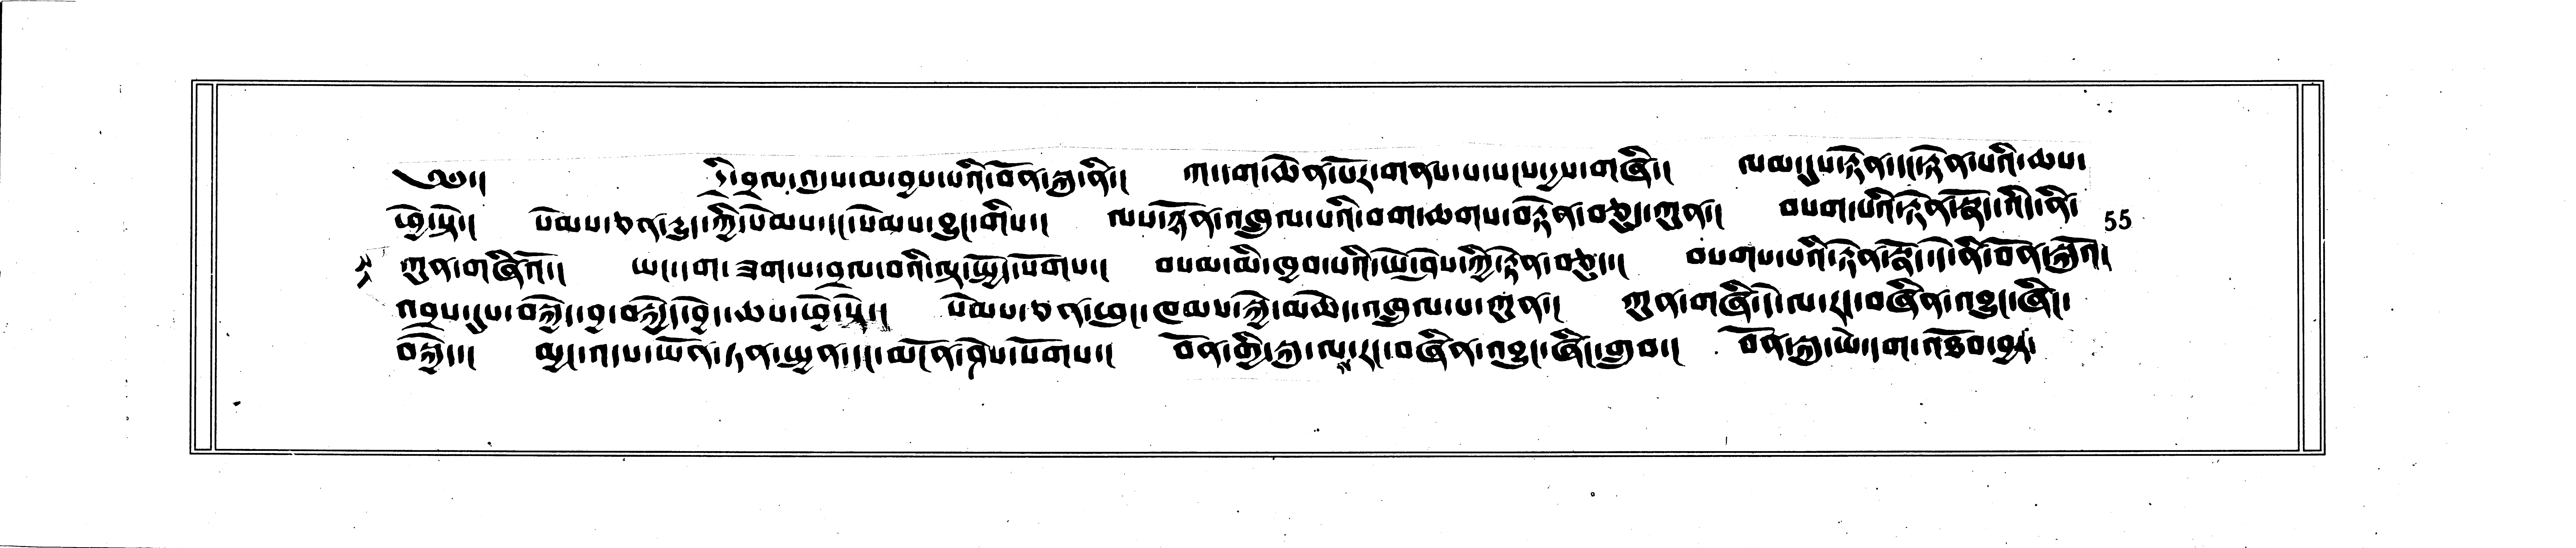དྲི་བྲལ་འདུས་མ་བྱས་པའི་བོན་སྐུ་ནི། །ཀ་དག་ཆེན་པོར་གནས་པ་སངས་རྒྱས་གཞི། །ལམ་དུས་རྟེན་དང་བརྟེན་པའི་ཆས་
ཕྱེ་སྟེ། །སེམས་ཅན་རྒྱུད་ཀྱི་སེམས་དང་སེམས་བྱུང་གིས། །ལས་ཉོན་འཁྲུལ་པའི་བག་ཆགས་བརྟེན་བཅུད་ཀུན། །བསགས་པའི་རྟེན་སྣོད་འདི་ནི་
ཀུན་གཞིའོ། །ཡང་དག་ཟག་པ་བྲལ་བའི་ལྟ་སྤྱོད་སོགས། །བསམ་མི་ཁྱབ་པའི་ཡེ་ཤེས་ཀྱི་རྟེན་བཅུད་། །བསགས་པའི་རྟེན་སྣོད་དེ་ནི་བོན་སྐུའོ། །
འབྲས་དུས་བསྐྱེད་བྱ་སྐྱེད་བྱེད་ཆས་ཕྱེ་སྟེ། །སེམས་ཅན་ཕུང་ཁམས་སྐྱེ་མཆེད་འཁྲུལ་པ་ཀུན། །ཀུན་གཞི་དེ་ལ་རང་བཞིན་འབྱུང་ཞིང་
བསྐྱེད། །མྱང་འདས་ཡོན་ཏན་སྤྱན་དང་མངོན་ཤེས་སོགས། །བོན་གྱི་སྐུ་ལས་རང་བཞིན་འབྱུང་ཞིང་གྲུབ། །བོན་སྐུ་ཡེ་དབང་འཐོབ་བྱར་